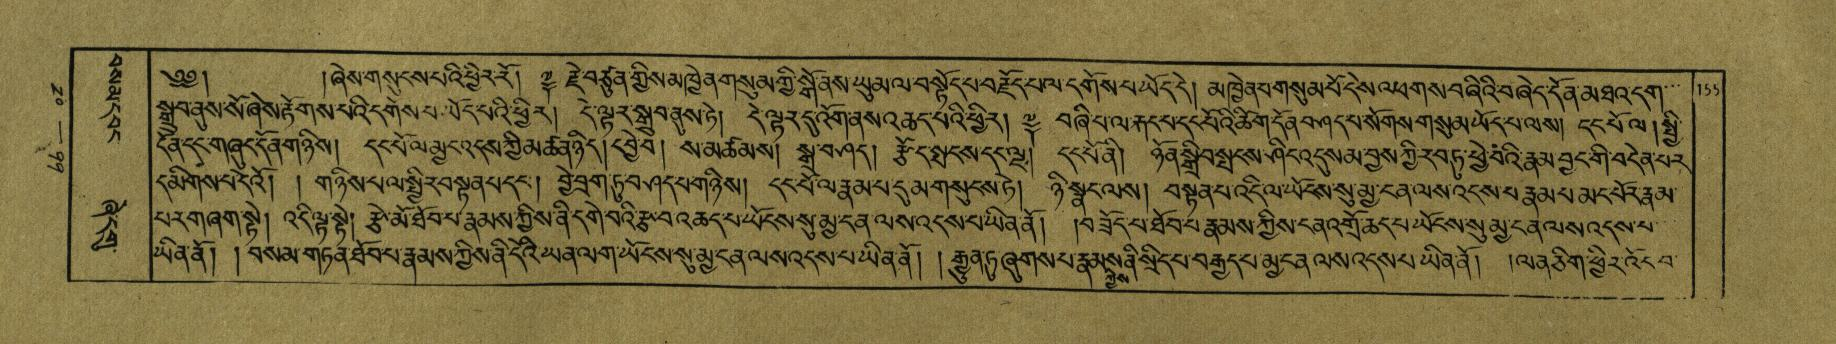༄༅། །ཞེས་གསུངས་པའི་ཕྱིར་རོ། ༈ རྗེ་བཙུན་གྱིས་མཁྱེན་གསུམ་གྱི་སྒོ་ནས་ཡུམ་ལ་བསྟོད་པ་བརྗོད་པ་ལ་དགོས་པ་ཡོད་དེ། མཁྱེན་པ་གསུམ་པོ་དེས་འཕགས་བཞིའི་བཞེད་དོན་མཐའ་དག་
སྒྲུབ་ནུས་སོ་ཞེས་རྟོགས་པའི་དགོས་པ་ཡོད་པའི་ཕྱིར། དེ་ལྟར་སྒྲུབ་ནུས་ཏེ། དེ་ལྟར་དུ་འོག་ནས་འཆད་པའི་ཕྱིར། ༈ བཞི་པ་ལ་རྐང་པ་དང་པོའི་ཚིག་དོན་བཤད་པ་སོགས་གསུམ་ཡོད་པ་ལས། དང་པོ་ལ། སྤྱི་
དོན་དང་གཞུང་དོན་གཉིས། དང་པོ་ལ་མྱང་འདས་ཀྱི་མཚན་ཉིད། དབྱེ་བ། ས་མཚམས། སྒྲ་བཤད། རྩོད་སྤངས་དང་ལྔ། དང་པོ་ནི། ཉོན་སྒྲིབ་སྤངས་ཤིང་འདུས་མ་བྱས་ཀྱི་རབ་ཏུ་ཕྱེ་བའི་རྣམ་བྱང་གི་བདེན་པར་
དམིགས་པ་དེའོ། །གཉིས་པ་ལ་སྤྱིར་བསྟན་པ་དང་། བྱེ་བྲག་ཏུ་བཤད་པ་གཉིས། དང་པོ་ལ་རྣམ་པ་དུ་མ་གསུངས་ཏེ། ཉི་སྣང་ལས། བསྟན་པ་འདི་ལ་ཡོངས་སུ་མྱ་ངན་ལས་འདས་པ་རྣམ་པ་མང་པོར་རྣམ་
པར་གཞག་སྟེ། འདི་ལྟ་སྟེ། རྩེ་མོ་ཐོབ་པ་རྣམས་ཀྱིས་ནི་དགེ་བའི་རྩ་བ་འཆད་པ་ཡོངས་སུ་མྱ་ངན་ལས་འདས་པ་ཡིན་ནོ། །བཟོད་པ་ཐོབ་པ་རྣམས་ཀྱིས་ངན་འགྲོ་ཆད་པ་ཡོངས་སུ་མྱ་ངན་ལས་འདས་པ་
ཡིན་ནོ། །བསམ་གཏན་ཐོབ་པ་རྣམས་ཀྱིས་ནི་དེའི་ཡན་ལག་ཡོངས་སུ་མྱ་ངན་ལས་འདས་པ་ཡིན་ནོ། །རྒྱུན་ཏུ་ཞུགས་པ་རྣམས་ཀྱིས་ནི་སྲིད་པ་བརྒྱད་པ་མྱ་ངན་ལས་འདས་པ་ཡིན་ནོ། །ལན་ཅིག་ཕྱིར་འོང་བ་